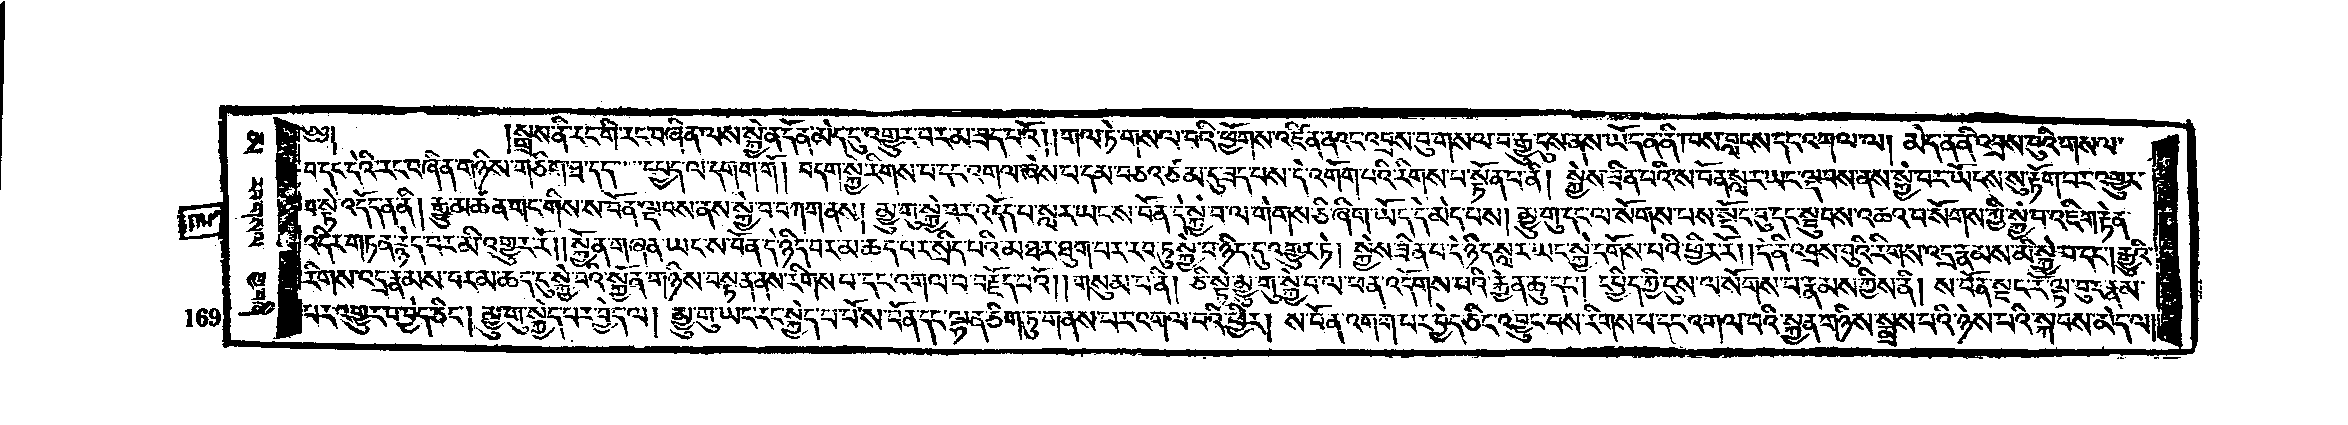༄༅། །སྒྲས་ནི་རང་གི་རང་བཞིན་ལས་སྐྱེ་ན་དོན་མེད་དུ་འགྱུར་བར་མ་ཟད་པའོ། །གལ་ཏེ་གསལ་བའི་ཕྱོགས་འཛིན་ནའང་འབྲས་བུ་གསལ་བ་རྒྱུ་དུས་ནས་ཡོད་ན་ནི་ཁས་བླངས་དང་འགལ་ལ་མེད་ན་ནི་འབྲས་བུའི་གསལ་
བ་དང་དེའི་རང་བཞིན་གཉིས་གཅིག་ཐ་དད་དཔྱད་ལ་དགག་གོ །བདག་སྐྱེ་རིགས་པ་དང་འགལ་ཞེས་པ་དམ་བཅའ་ཙམ་དུ་ཟད་པས་དེ་འགོག་པའི་རིགས་པ་སྟོན་པ་ནི། སྐྱེས་ཟིན་པའི་ས་བོན་སླར་ཡང་ལྡབས་ནས་སྐྱེ་བར་ཡོངས་སུ་རྟོག་པར་འགྱུར་
བ་སྟེ་འདོད་ན་ནི། རྒྱུ་མཚན་གང་གིས་ས་བོན་ལྡབས་ནས་སྐྱེ་བ་བཀག་ནས། མྱུ་གུ་སྐྱེ་བར་འདོད་པ་སླར་ཡང་ས་བོན་དེ་སྐྱེ་བ་ལ་གེགས་ཅི་ཞིག་ཡོད་དེ་མེད་པས། མྱུ་གུ་དང་ལ་སོགས་པས་སྡོང་བུ་དང་སྦུབས་འཆའ་བ་སོགས་ཀྱི་སྐྱེ་བ་འཇིག་རྟེན་
འདིར་གཏན་རྙེད་པར་མི་འགྱུར་རོ། །སྐྱོན་གཞན་ཡང་ས་བོན་དེ་ཉིད་བར་མ་ཆད་པར་སྲིད་པའི་མཐར་ཐུག་པར་རབ་ཏུ་སྐྱེ་བ་ཉིད་དུ་འགྱུར་ཏེ། སྐྱེས་ཟིན་པ་དེ་ཉིད་སླར་ཡང་སྐྱེ་དགོས་པའི་ཕྱིར་རོ། །དེ་ནི་འབྲས་བུའི་རིགས་འདྲ་རྣམས་མི་སྐྱེ་བ་དང་། རྒྱུའི་
རིགས་འདྲ་རྣམས་བར་མ་ཆད་དུ་སྐྱེ་བའི་སྐྱོན་གཉིས་བསྟན་ནས་རིགས་པ་དང་འགལ་པ་བརྗོད་པའོ། །གསུམ་པ་ནི། ཅི་སྟེ་མྱུ་གུ་སྐྱེ་བ་ལ་ཕན་འདོགས་པའི་རྐྱེན་ཆུ་དང་། དཔྱིད་ཀྱི་དུས་ལ་སོགས་པ་རྣམས་ཀྱིས་ནི། ས་བོན་སྦང་རོ་ལྟ་བུར་རྣམ་
པར་འགྱུར་བ་བྱེད་ཅིང་། མྱུ་གུ་སྐྱེད་པར་བྱེད་ལ། མྱུ་གུ་ཡང་རང་སྐྱེད་པ་པོ་ས་བོན་དང་ལྷན་ཅིག་ཏུ་གནས་པར་འགལ་བའི་ཕྱིར། ས་བོན་འགག་པར་བྱེད་ཅིང་འབྱུང་བས་རིགས་པ་དང་འགལ་བའི་སྐྱོན་གཉིས་སྨྲས་པའི་ཉེས་པའི་སྐབས་མེད་ལ།